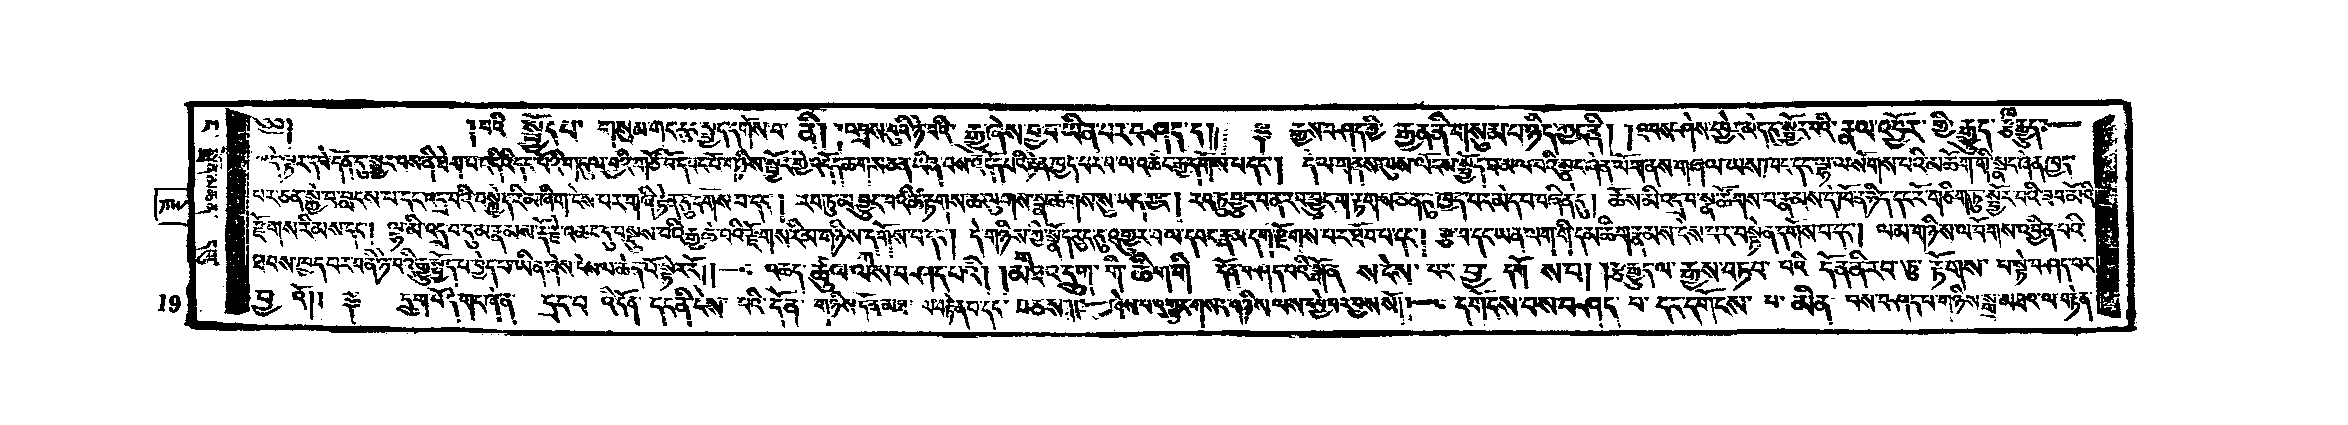༄༅། །པའི་སྤྱོད་པ་གསུམ་གང་རུང་སྤྱད་དགོས་པ་ནི། །འབྲས་བུའི་ཉེ་བའི་རྒྱུ་ཞེས་བྱ་བ་ཡིན་པར་བཤད་དོ།།། ༈ རྒྱས་བཤད་ཀྱི་རྒྱན་ནི་གསུམ་པ་ཉིད་ཀྱང་ནི། །ཐབས་ཤེས་དབྱེར་མེད་དུ་སྦྱོར་བའི་རྣལ་འབྱོར་གྱི་རྒྱུད་ཁ་རྩ་རྒྱུད་
༧་དེ་ལྟར་དབེ་དོན་དུ་སྦྱར་བས་ནི་ཐེག་པ་འདིའི་དང་པོའི་གདུལ་བྱའི་གཙོ་བོ་དབང་པོ་གཉིས་སྦྱོར་གྱི་འདོད་ཆགས་ཅན་ཡིན་པས་འདོད་པའི་རྟེན་ཁྱད་པར་བ་ལ་འཚང་རྒྱ་དགོས་པ་དང་། དེ་ལ་གནས་ལུས་ལོངས་སྤྱོད་ཐ་མལ་པའི་སྣང་ཞེན་ལོག་ནས་གཞལ་ཡས་ཁང་དང་ལྷ་ལ་སོགས་པའི་མཆོག་གི་སྣང་ཞེན་ཁྱད་
པར་ཅན་སྐྱེ་བ་བླངས་པ་དང་འདྲ་བའི་བསྐྱེད་རིམ་ཞིག་ངེས་པར་གཞི་རྟེན་དུ་དགོས་པ་དང་། རབ་ཏུ་མ་བྱུང་བའི་ཚེ་རྟགས་ཆ་ལུགས་སྣ་ཚོགས་སུ་ཡོད་ཀྱང་། རབ་ཏུ་བྱུང་བ་ན་རབ་བྱུང་གི་རྟགས་ཅན་དུ་ཁྱད་པར་མེད་པ་བཞིན་དུ། ཆོས་མི་འདྲ་བ་སྣ་ཚོགས་པ་རྣམས་དེ་ཁོ་ན་ཉིད་དང་རོ་གཅིག་ཏུ་སྦྱོར་བའི་ཟབ་མོའི་
རྫོགས་རིམས་དང་། ལྷ་མི་འདྲ་བ་དུ་མ་རྣམས་རྡོ་རྗེ་འཆང་དུ་བསྡུས་པའི་རྒྱ་ཆེ་བའི་རྫོགས་རིམ་གཉིས་དགོས་པ་དང་། དེ་གཉིས་ཀྱི་སྣོད་རུང་དུ་འགྱུར་བ་ལ་དབང་རྣམ་དག་རྫོགས་པར་ཐོབ་པ་དང་། རྩ་བ་དང་ཡན་ལག་གི་དམ་ཚིག་རྣམས་ངེས་པར་བསྟེན་དགོས་པ་དང་། ལམ་གཉིས་ལ་བོགས་འབྱིན་པའི་
ཐབས་ཁྱད་པར་བ་ནི་ཉེ་བའི་རྒྱུ་སྤྱོད་པ་བྱེད་པ་ཡིན་ཞེས་ངེས་པ་ཆེན་པོ་སྟེར་རོ།། འཆད་ཚུལ་ལས་བཤད་པའི། །ག་མཐའ་དྲུག་གི་ཚིག་གི་དོན་བཤད་པའི་སྒོ་ནས་ངེས་པར་བྱ་དགོས་པ། །རྩ་རྒྱུད་ལ་རྒྱས་བཏབ་པའི་དོན་ནི་རབ་ཏུ་རྟོགས་པ་སྟེ་བཤད་པར་
བྱའོ། ། ༈ དྲུག་པོ་དེ་གང་ཞེ་ན་དྲང་བའི་དོན་དང་ནི་ངེས་པའི་དོན་གཉིས་དོན་མཐའ་ལ་བརྟེན་པ་དང་བཅས་ཡེ་ཤེས་པ་འགྱུར་གསར་གཉིས་ལས་དབྱེ་བར་བྱས་སོ།། དགོངས་པས་བཤད་པ་དང་དགོངས་པ་མིན་པས་བཤད་པ་གཉིས་སྒྲ་མཐའ་ལ་བརྟེན་